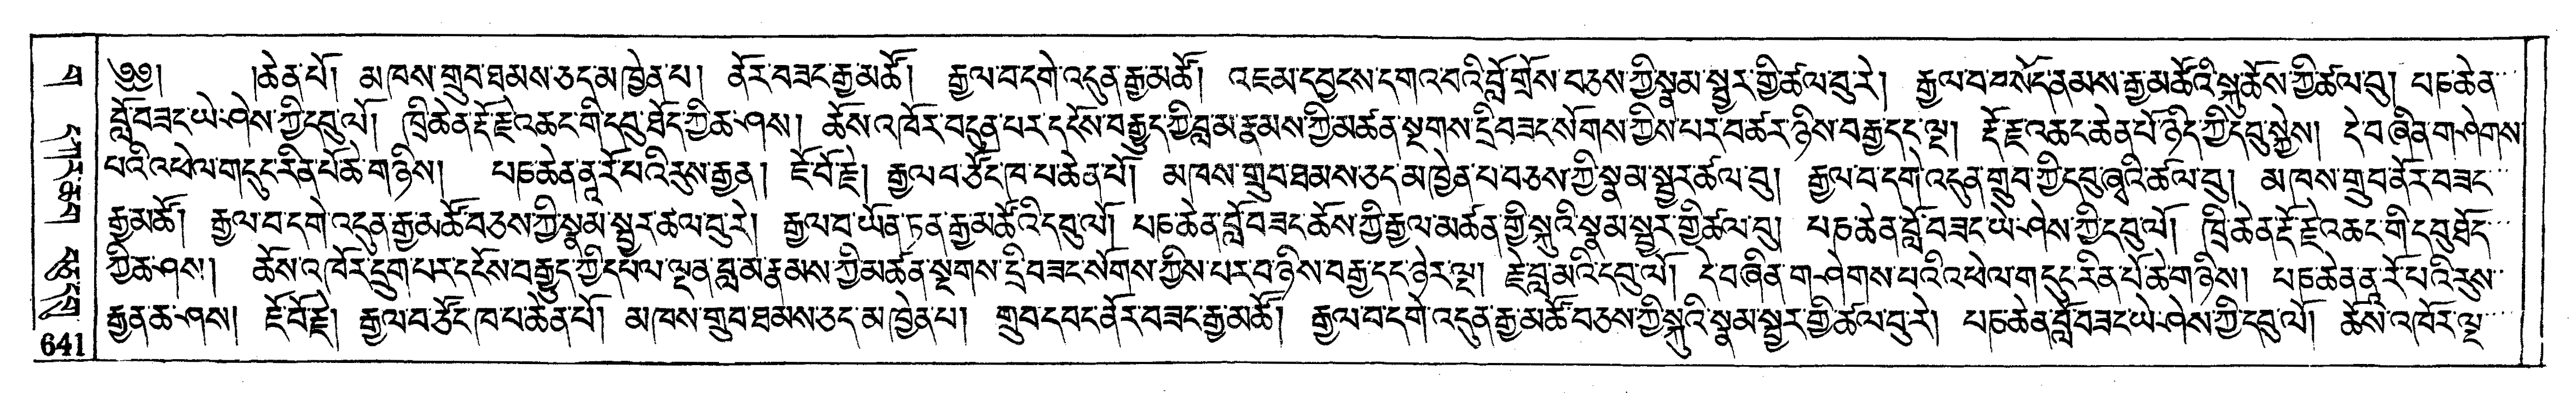༄༅། །ཆེན་པོ། མཁས་གྲུབ་ཐམས་ཅད་མཁྱེན་པ། ནོར་བཟང་རྒྱ་མཚོ། རྒྱལ་བ་དགེ་འདུན་རྒྱ་མཚོ། འཇམ་དབྱངས་དགའ་བའི་བློ་གྲོས་བཅས་ཀྱི་སྣམ་སྦྱར་གྱི་ཚལ་བུ་རེ། རྒྱལ་བ་བསོད་ནམས་རྒྱ་མཚོའི་སྐུ་ཆོས་ཀྱི་ཚལ་བུ། བཎ་ཆེན་
བློ་བཟང་ཡེ་ཤེས་ཀྱི་དབུ་ལོ། ཁྲི་ཆེན་རྡོ་རྗེ་འཆང་གི་དབུ་ཐོད་ཀྱི་ཆ་ཤས། ཆོས་འཁོར་བདུན་པར་དངོས་བརྒྱུད་ཀྱི་བླ་མ་རྣམས་ཀྱི་མཚན་སྔགས་དྲི་བཟང་སོགས་ཀྱིས་པར་བ་ཚར་ཉིས་བརྒྱ་དང་ལྔ། རྡོ་རྗེ་འཆང་ཆེན་པོ་ཉིད་ཀྱི་དབུ་སྐྱེས། དེ་བཞིན་གཤེགས་
པའི་འཕེལ་གདུང་རིན་པོ་ཆེ་གཉིས། བཎ་ཆེན་ནཱ་རོ་པའི་རུས་རྒྱན། ཇོ་བོ་རྗེ། རྒྱལ་བ་ཙོང་ཁ་པ་ཆེན་པོ། མཁས་གྲུབ་ཐམས་ཅད་མཁྱེན་པ་བཅས་ཀྱི་སྣམ་སྦྱར་ཚལ་བུ། རྒྱལ་བ་དགེ་འདུན་གྲུབ་ཀྱི་དབུ་ཞྭའི་ཚལ་བུ། མཁས་གྲུབ་ནོར་བཟང་
རྒྱ་མཚོ། རྒྱལ་བ་དགེ་འདུན་རྒྱ་མཚོ་བཅས་ཀྱི་སྣམ་སྦྱར་ཚལ་བུ་རེ། རྒྱལ་བ་ཡོན་ཏན་རྒྱ་མཚོའི་དབུ་ལོ། པཎ་ཆེན་བློ་བཟང་ཆོས་ཀྱི་རྒྱལ་མཚན་གྱི་སྐུའི་སྣམ་སྦྱར་གྱི་ཚལ་བུ། པཎ་ཆེན་བློ་བཟང་ཡེ་ཤེས་ཀྱི་དབུ་ལོ། ཁྲི་ཆེན་རྡོ་རྗེ་འཆང་གི་དབུ་ཐོད་
ཀྱི་ཆ་ཤས། ཆོས་འཁོར་དྲུག་པར་དངོས་བརྒྱུད་ཀྱི་དཔལ་ལྡན་བླ་མ་རྣམས་ཀྱི་མཚན་སྔགས་དྲི་བཟང་སོགས་ཀྱིས་པར་བ་ཉིས་བརྒྱ་དང་ཉེར་ལྔ། རྗེ་བླ་མའི་དབུ་ལོ། དེ་བཞིན་གཤེགས་པའི་འཕེལ་གདུང་རིན་པོ་ཆེ་གཉིས། པཎ་ཆེན་ནཱ་རོ་པའི་རུས་
རྒྱན་ཆ་ཤས། ཇོ་བོ་རྗེ། རྒྱལ་བ་ཙོང་ཁ་པ་ཆེན་པོ། མཁས་གྲུབ་ཐམས་ཅད་མཁྱེན་པ། གྲུབ་དབང་ནོར་བཟང་རྒྱ་མཚོ། རྒྱལ་བ་དགེ་འདུན་རྒྱ་མཚོ་བཅས་ཀྱི་སྐུའི་སྣམ་སྤྱར་གྱི་ཚལ་བུ་རེ། པཎ་ཆེན་བློ་བཟང་ཡེ་ཤེས་ཀྱི་དབུ་ལོ། ཆོས་འཁོར་ལྔ་